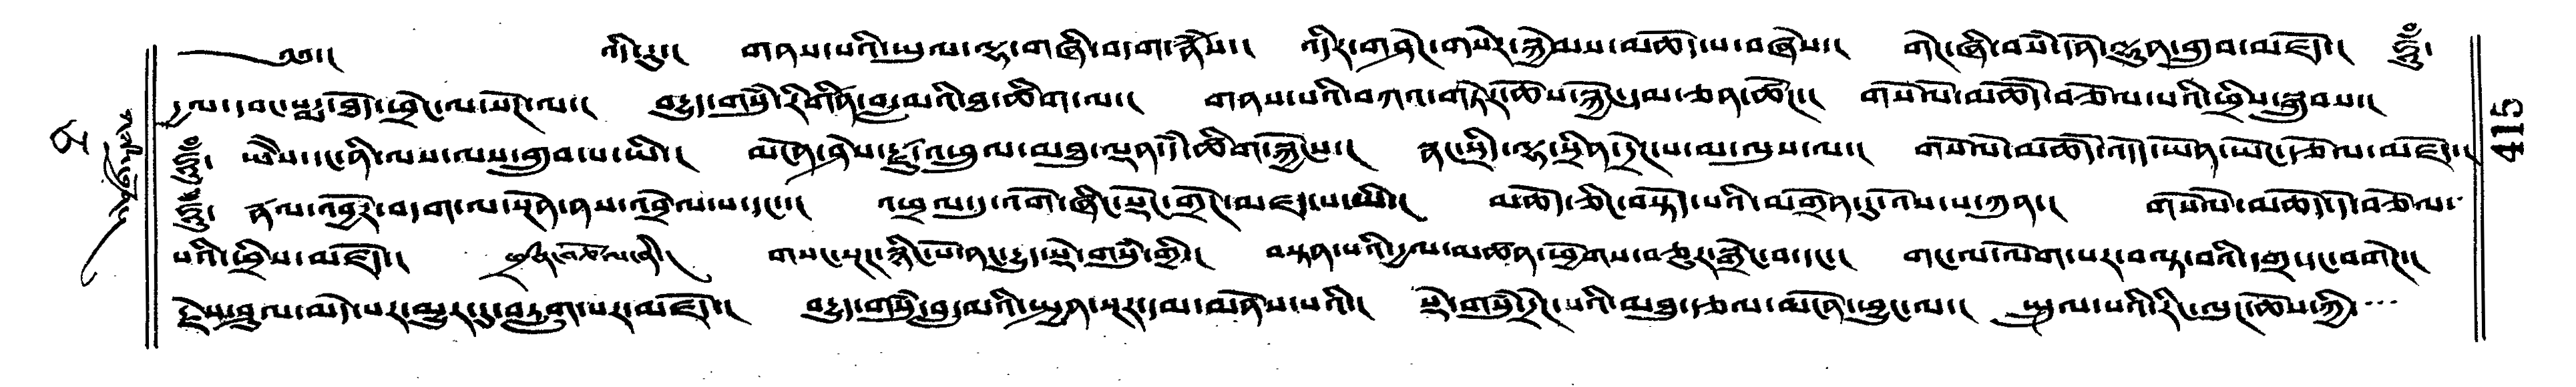འདི་རུ། །གནས་པའི་ཡུལ་ལྷ་གཞི་བདག་རྣམས། །འདིར་གཤེགས་གསེར་སྐྱེམས་མཆོད་པ་བཞེས། །བགེགས་ཞི་བསམ་དོན་ལྷུན་གྲུབ་མཛོད། ཧཱུྃ། 
རྒྱལ་དབང་པདྨ་ཐོད་ཕྲེང་ལ་སོགས་པ། །བརྒྱུད་གསུམ་རིག་འཛིན་བླ་མའི་ཐ་ཚིག་ལ། །གནས་པའི་བཀའ་གཏེར་ཆོས་སྐྱོང་དམ་ཅན་ཚོགས། །གསོལ་ལོ་མཆོད་དོ་བཅོལ་པའི་ཕྲིན་ལས་སྒྲུབས། 
ཧཱུྃ། ཡེ་ཤེས་དང་ནི་ལས་ལས་གྲུབ་པ་ཡི། །མངོན་ཤེས་རྫུ་འཕྲུལ་མཐུ་ལྡན་དམ་ཚིག་སྐྱོང་། །སྣང་སྲིད་ལྷ་སྲིན་དྲེགས་པ་མ་ལུས་ལ། །གསོལ་ལོ་མཆོད་དོ་འདོད་ཡོན་ཡོངས་སྩོལ་མཛོད། 
ཧཱུྃ། རྣལ་འབྱོར་བདག་ལ་སྔོན་ནས་འབྲེལ་པ་དང། །འཕྲལ་དུ་འགོ་ཞིང་སྡོང་གྲོགས་མཛད་པ་ཡི། །མཆོད་ཅིང་བསྟོད་པའི་མགྲོན་དུ་འོས་པ་ཀུན། །གསོལ་ལོ་མཆོད་དོ་བཅོལ་
པའི་ཕྲིན་ལས་མཛོད། ཕྲིན་བཅོལ་ནི། ། གསང་སྔགས་སྙིང་པོ་ནང་རྒྱུད་སྡེ་གསུམ་གྱི། །བསྟན་པའི་རྒྱལ་མཚན་ཕྱོགས་བཅུར་སྒྲེང་བ་དང། །གང་ལ་ལོག་པར་ལྟ་བའི་དགྲ་དང་བགེགས། །
རྗེས་ཤུལ་མེད་པར་མྱུར་དུ་བརླག་པར་མཛོད། །བརྒྱུད་གསུམ་བླ་མའི་སྤྱན་སྔར་དམ་མནོས་པའི། །སྡེ་གསུམ་དྲེགས་པའི་མཐུ་རྩལ་མངོན་ཕྱུངས་ལ། །སྤྲུལ་པའི་རིང་ལུགས་ཆོས་ཀྱི་